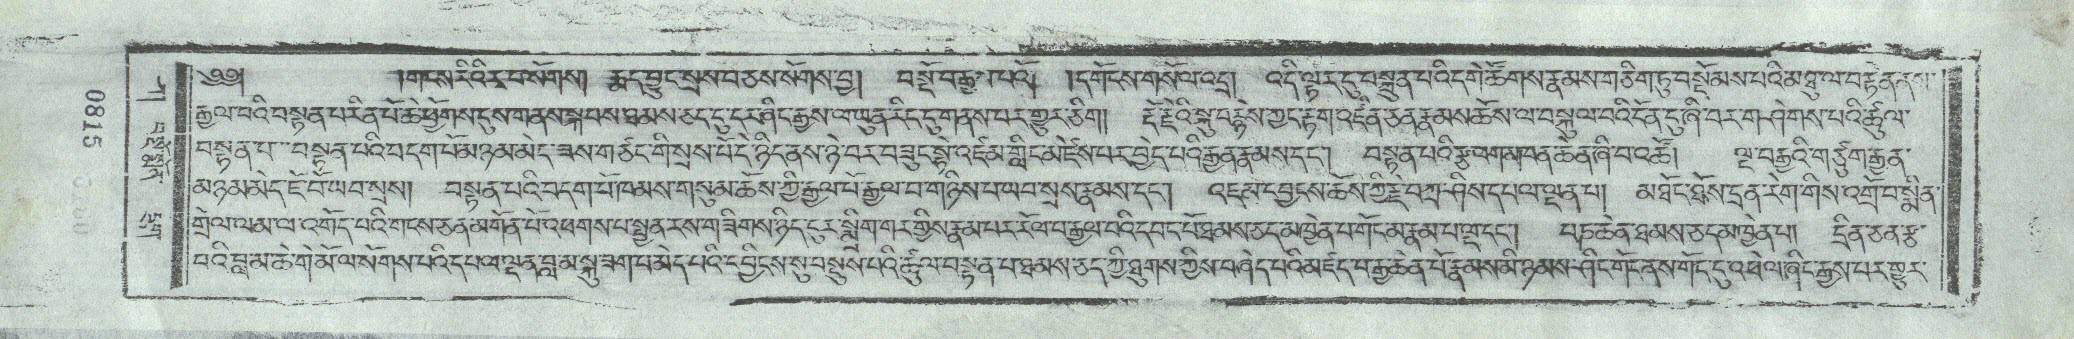༄༅། །གངས་རིའི་རྭ་བ་སོགས། རྨད་བྱུང་སྲས་བཅས་སོགས་བྱ། བསྡོ་བ་རྒྱས་པའོ། །དགོངས་གསོལ་འདྲ། འདི་ལྟར་དུ་བསྐྲུན་པའི་དགེ་ཚོགས་རྣམས་གཅིག་ཏུ་བསྡོམས་པའི་མཐུ་ལ་བརྟེན་ནས་
རྒྱལ་བའི་བསྟན་པ་རིན་པོ་ཆེ་ཕྱོགས་དུས་གནས་སྐབས་ཐམས་ཅད་དུ་དར་ཞིང་རྒྱས་ལ་ཡུལ་རིང་དུ་གནས་པར་གྱུར་ཅིག །རྡོ་རྗེའི་སྐུ་བརྙེས་ཀྱང་རྟག་འཛིན་ཅན་རྣམས་ཆོས་ལ་བསྐུལ་བའི་དོན་དུ་ཞི་བར་གཤེགས་པའི་ཚུལ་
བསྟན་པ་བསྟན་པའི་བདག་པོ་མཉམ་མེད་ཟས་གཙང་གི་སྲས་པོ་དེ་ཉིད་ནས་ཉེ་བར་བཟུང་སྟེ་འཛམ་གླིང་མཛེས་པར་བྱེད་པའི་རྒྱན་རྣམས་དང་། བསྟན་པའི་རྩ་ལག་མཁན་ཆེན་ཞི་བ་འཚོ། ལྔ་བརྒྱའི་གཙུག་རྒྱན་
མཉམ་མེད་ཇོ་བོ་ཡབ་སྲས། བསྟན་པའི་བདག་པོ་ཁམས་གསུམ་ཆོས་ཀྱི་རྒྱལ་པོ་རྒྱལ་བ་གཉིས་པ་ཡབ་སྲས་རྣམས་དང་། འཇམ་དབྱངས་ཆོས་ཀྱི་རྗེ་བཀྲ་ཤིས་དཔལ་ལྡན་པ། མཐོང་ཐོས་དྲན་རེག་གིས་འགྲོ་བ་སྣི?
གྲེལ་ལམ་ལ་འགོད་པའི་གངས་ཅན་མགོན་པོ་འཕགས་པ་སྤྱན་རས་གཟིགས་ཉིད་དུར་སྨྲིག་གར་གྱིས་རྣམ་པར་རོལ་བ་རྒྱལ་བའིད་བང་པོ་ཐམས་ཅད་མཁྱེན་པ་གོང་མ་རྣམས་པ་ལྔ་དང་། པཎ་ཆེན་ཐམས་ཅད་མཁྱེན་པ། དྲིན་ཅན་རྣ?
བའི་བླ་མ་ཆེ་གེ་མོ་ལ་སོགས་པའི་དཔལ་ལྡན་བླ་མ་སྐུ་ཟག་པ་མེད་པའི་དབྱིངས་སུ་བསྡུས་པའི་ཚུལ་བསྟན་པ་ཐམས་ཅད་ཀྱི་ཐུགས་ཀྱི་བཞེད་པའི་མཛད་པ་རྒྱ་ཆེན་པོ་རྣམས་མི་ཉམས་ཤིང་གོང་ནས་གོང་དུ་འཕེལ་ཞིང་རྒྱས་པར་གྱུར་